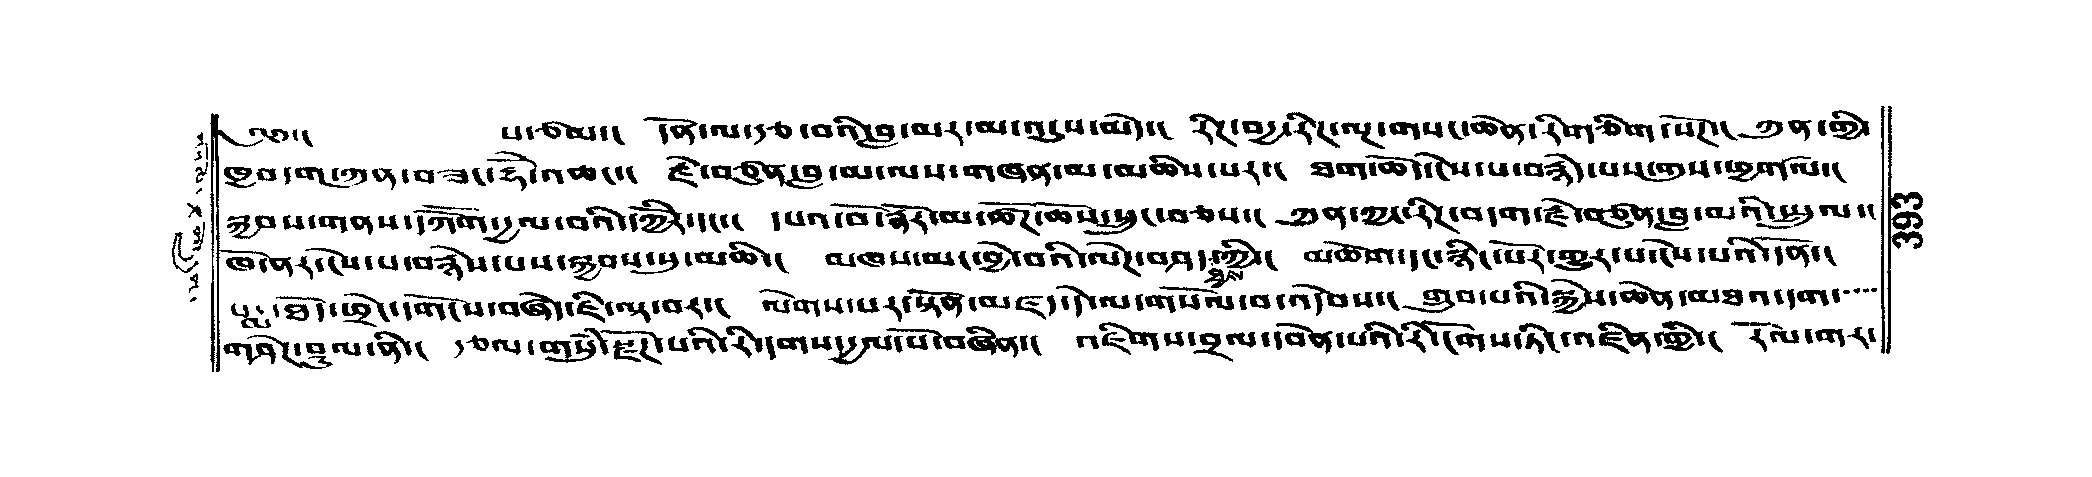པ་ཙམ། །དོན་ལ་རྩ་བའི་བླ་མར་མ་འདུས་མེད། །རིགས་བརྒྱ་རིགས་ལྔ་གསང་ཆེན་རིགས་གཅིག་སོགས། །ཀུན་གྱི་
ཁྱབ་བདག་ཀུན་བཟང་རྡོ་རྗེ་འཆང་། །རྗེ་བཙུན་བླ་མ་ལས་གཞན་མ་མཆིས་པར། །ཐག་ཆོད་ངེས་པ་བརྙེད་པས་གུས་ཕྱག་འཚལ། །
སྐྱབས་གནས་དཀོན་མཆོག་རྒྱལ་བའི་དཀྱིལ་འཁོར་དང་། །དཔའ་བོ་རྣལ་འབྱོར་མ་ཚོགས་ཆོས་སྲུང་བཅས། །ཀུན་ཀྱང་རིགས་བདག་རྗེ་བཙུན་བླ་མའི་སྤྲུལ། །
ཁོ་ནར་ངེས་པ་བརྙེས་པས་སྐྱབས་སུ་མཆི། །མཁས་མང་བྱེ་བའི་ལེགས་བཤད་མཐའ་ཡས་ཀྱི། །མཆོག་དང་སྙིང་པོར་གྱུར་པ་ངེས་པའི་དོན། །
པདྨ་ཐོད་ཕྲེང་དགོངས་བཞེད་ཇི་ལྟ་བར། །ལེགས་པར་སྟོན་མཛད་དེ་ལ་གསོལ་བ་འདེབས། །གྲུབ་པའི་སྐྱེས་ཆེན་མཐའ་དག་
གཤེགས་ཤུལ་ནི། །རྩལ་གསུམ་རྫོགས་པའི་རི་དགས་རྒྱལ་པོ་བཞིན། །འཇིགས་བྲལ་དབེན་པའི་རི་ངོགས་ཏིང་འཛིན་གྱི། །རོལ་གར་